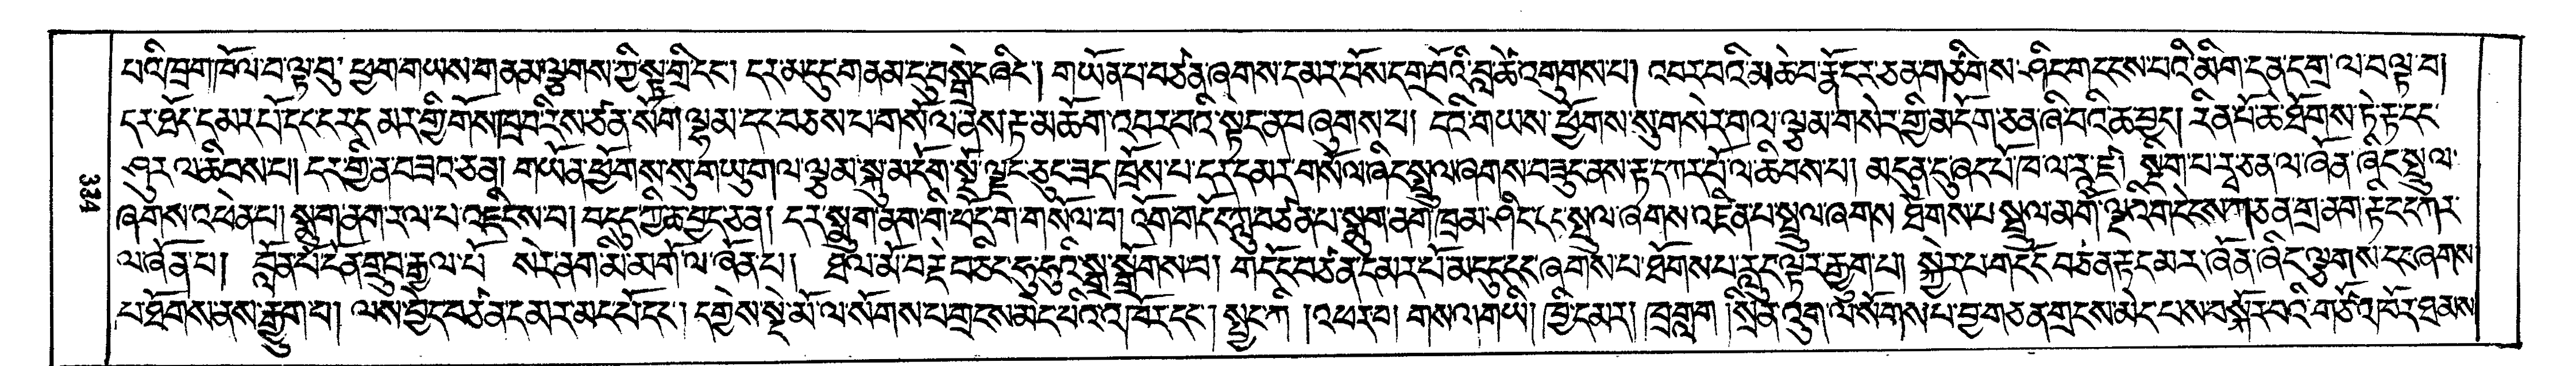པའི་ཁྲག་ཁོལ་བ་ལྟ་བུ། ཕྱག་གཡས་གནམ་ལྕགས་ཀྱི་སྟག་རི་དང་། དར་མདུད་གནམ་དུ་བསྒྲེང་ཞིང་། གཡོན་པ་བཙན་ཞགས་དམར་པོས་དགྲ་བོའི་བླ་ཚེ་འགུགས་པ། འབར་བའི་མཆེ་བ་རྣོ་དར་ཅན་གཙིགས་ཤིང་གདངས་པའི་མིག་ངན་དགྲ་ལ་བལྟ་བ།
དར་ཐོད་དམར་པོ་དང་དར་དམར་གྱི་གོས་ཁྲབ་རིས་ཅན་སེག་ལྷམ་དང་བཅས་པ་གསོལ་ནས་རྟ་མཆོག་འབར་བའི་སྟེང་ན་བཞུགས་པ། དེའི་གཡས་ཕྱོགས་སུ་གསེར་གལ་ལྕམ་གསེར་གྱི་མདོག་ཅན་ཞི་བའི་ཆ་བྱང་། རིན་པོ་ཆེ་ཐོགས་ཏེ་རྟ་དང་
ཤུར་ལ་ཆིབས་པ། དར་གྱི་ན་བཟའ་ཅན། གཡོན་ཕྱོགས་སུ་གཡུ་གལ་ལྕམ་སྐུ་མདོག་སྔོ་ལྗང་ཅུང་ཟད་ཁྲོས་པ་དར་དམར་གསོལ་ཞིང་སྤྲུལ་ཞགས་བཟུང་ནས་རྟ་དཀར་པོ་ལ་ཆིབས་པ། མདུན་དུ་ཞང་པོ་ཁ་ལ་རཱ་ཛ། སྡིག་པ་རྭ་ཅན་ལ་ཞོན་ཞིང་སྦྲུལ་
ཞགས་འཕེན་པ། སྨུག་ནག་རལ་པ་འཛིངས་པ། བདུད་ཀྱི་ཆ་བྱད་ཅན། དར་སྨུག་ནག་གི་ཕོད་ག་གསོལ་བ། འོག་གདོང་ཀླུ་བཙན་པ་སྨུག་ནག་ཁྲམ་ཤིང་དང་སྤྲུལ་ཞགས་འཛིན་པ་སྤྲུལ་ཞགས་ཐོགས་པ་སྤྲུལ་མགོ་ལྔའི་གདེངས་ཀ་ཅན་གྲ་ནག་རྟིང་དཀར་
ལ་ཞོན་པ། བློན་པོ་དོན་གྲུབ་རྒྱལ་པོ་སེར་ནག་མི་མགོ་ལ་ཞོན་པ། ཐལ་མོ་བརྡེ་བ་ཅིང་ཧུ་ཧུའི་སྒྲ་སྒྲོགས་པ། གདོང་བཙན་དམར་པོ་མདུང་དང་ཞགས་པ་ཐོགས་པར་ལུང་ལྟར་རྒྱུག་པ། སྐྱེར་བ་གདོང་བཙན་རྟ་དམར་ཞོན་ཞིང་ལྕགས་དང་ཞགས་
པ་ཐོགས་ནས་རྒྱུག་པ། ལས་བྱེད་བཙན་དམར་མང་པོ་དང་། དགྱེས་སྡེ་མོ་ལ་སོགས་པ་གྲངས་མེད་པའི་འཁོར་དང་། སྤྱང་གི །འཕར་པ། གསལ་གཡི། ཁྱི་དམར། ཁྲག་གླག །སྲིན་འུག་ལ་སོགས་བ་བྱ་གཅན་གྲངས་མེད་པས་བསྐོར་བའི་གཙོ་འཁོར་ཐམས་